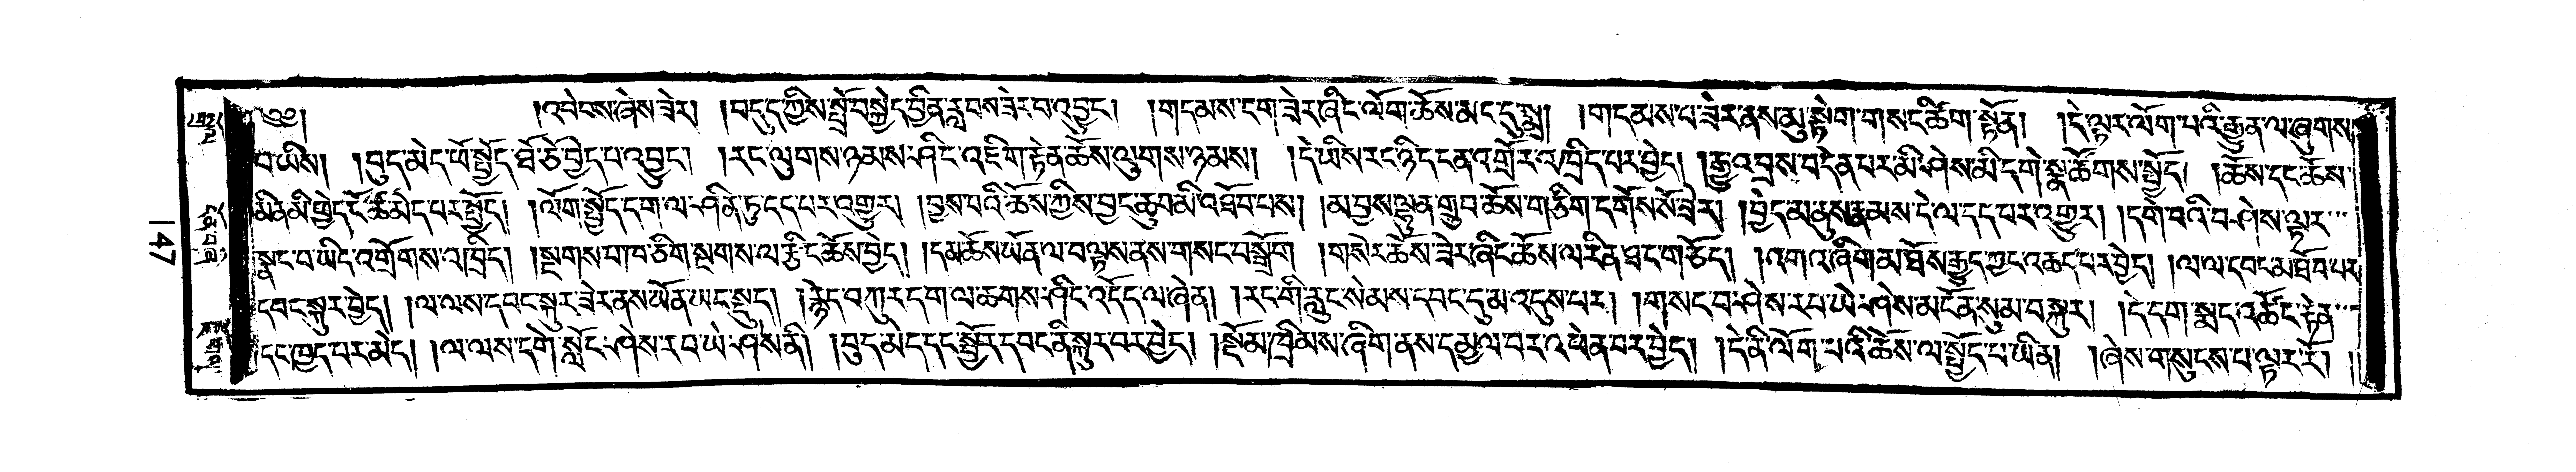༄༅། །འབེབས་ཞེས་ཟེར། །བདུད་ཀྱིས་སྤྲོ་བསྐྱེད་བྱིན་རླབས་ཟེར་བ་འབྱུང་། །གདམས་ངག་ཟེར་ཞིང་ལོག་ཆོས་མང་དུ་སྨྲ། །གདམས་པ་ཟེར་ནས་མུ་སྟེགས་གསང་ཚིག་སྟོན། །དེ་ལྟར་ལོག་པའི་རྒྱུན་ལ་ཞུགས་
པ་ཡིས། །བུད་མེད་ཕོ་སྤྱོད་ཐོ་ཅོ་བྱེད་པ་འབྱུང་། །རང་ལུགས་ཉམས་ཤིང་འཇིག་རྟེན་ཆོས་ལུགས་ཉམས། །དེ་ཡིས་རང་ཉིད་ངན་འགྲོར་འཁྲིད་པར་བྱེད། །རྒྱུ་འབྲས་བདེ་ནི་པར་མི་ཤེས་མི་དགེ་སྣ་ཚོགས་སྤྱོད། །ཆོས་དང་ཆོས་
མིན་མི་ཕྱེད་ངོ་ཚ་མེད་པར་སྤྱོད། །ལོག་སྤྱོད་དག་ལ་ཤིན་ཏུ་དད་པར་འགྱུར། །བྱས་པའི་ཆོས་ཀྱིས་བྱང་ཆུབ་མི་འཐོབ་པས། །མ་བྱས་ལྷུན་གྲུབ་ཆོས་གཅིག་དགོས་སོ་ཟེར། །བྱེད་མ་ནུས་རྣམས་དེ་ལ་དད་པར་འགྱུར། །དགེ་བའི་བཤེས་ལྟར་
སྣང་བ་ཡིད་འགྲོགས་འཁྲིད། །སྔགས་པ་ཁ་ཅིག་སྔགས་ལ་རྩིང་ཆོས་བྱེད། །དམ་ཆོས་ཡོན་ལ་བལྟས་ནས་གསང་བསྒྲོག །གསེར་ཆོས་ཟེར་ཞིང་ཆོས་ལ་རིན་ཐང་གཅོད། །འགའ་ཞིག་མ་ཐོས་རྒྱུད་ཀྱང་འཆད་པར་བྱེད། །ལ་ལ་དབང་མ་ཐོབ་པར་
དབང་སྐུར་བྱེད། །ལ་ལས་དབང་སྐུར་ཟེར་ནས་ཡོན་ཡང་སྡུད། །རྙེད་བཀུར་དག་ལ་ཆགས་ཤིང་འདོད་ལ་ཞེན། །རང་གི་རླུང་སེམས་དབང་དུ་མ་འདུས་པར། །གསང་བ་ཤེས་རབ་ཡེ་ཤེས་མངོན་སུམ་བསྐུར། །དེ་དག་སྨད་འཚོང་རྟེན་
དང་ཁྱད་པར་མེད། །ལ་ལས་དགེ་སློང་ཤེས་རབ་ཡེ་ཤེས་ནི། །བུད་མེད་དང་སྦྱོར་དབང་ནི་སྐུར་བར་བྱེད། །སྡོམ་ཁྲིམས་ཞིག་ནས་དམྱལ་བར་འཕེན་པར་བྱེད། །དེ་ནི་ལོག་པའི་ཆོས་ལ་སྤྱོད་པ་ཡིན། །ཞེས་གསུངས་པ་ལྟར་རོ། །